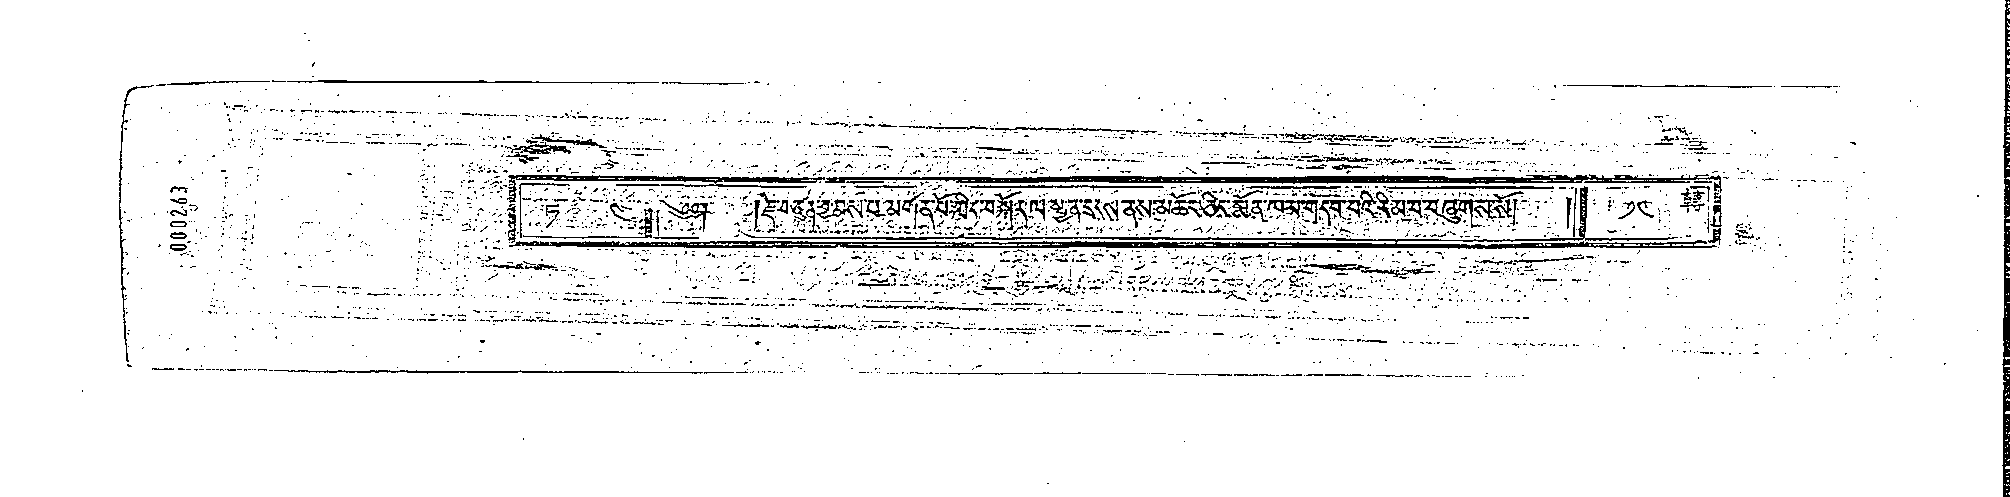ང༩?
༄༅། །རྗེ་བཙུན་བྱམས་པ་མགོན་པོ་གླིང་བསྐོར་ལ་སྤྱན་དྲངས་ནས་མཆོད་ཅིང་སྨོན་ལམ་གདབ་པའི་རིམ་པ་བཞུགས་སོ། །